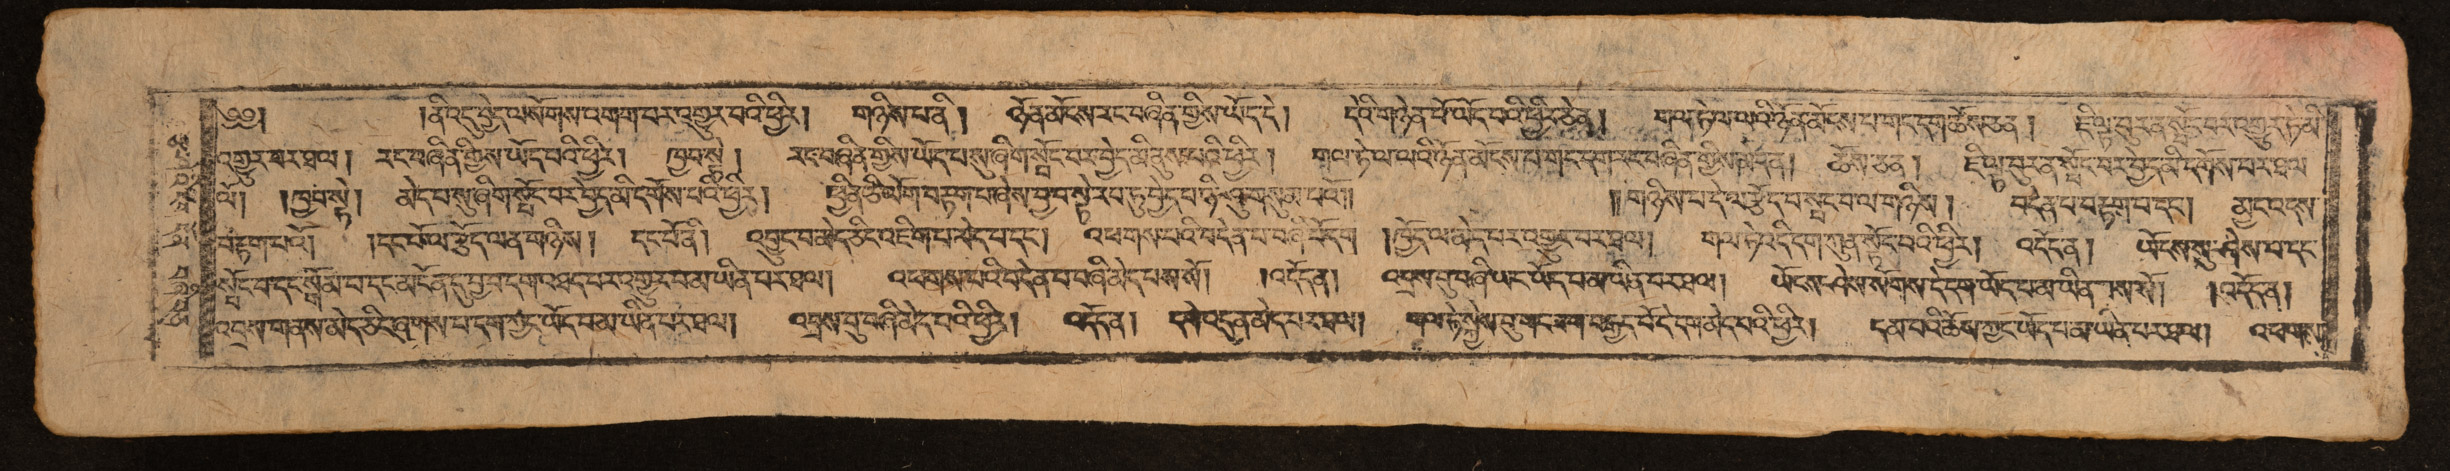༄༅། །ནི་འདུ་བྱེད་ལ་སོགས་འགག་པར་འགྱུར་བའི་ཕྱིར། གཉིས་པ་ནི། ཉོན་མོངས་རང་བཞིན་གྱིས་ཡོད་དེ། དེའི་གཉེན་པོ་ཡོད་པའི་ཕྱིར་ཅེ་ན། གལ་ཏེ་ལ་ལའི་ཉོན་མོངས་པ་གང་དག་ཆོས་ཅན། ཇི་ལྟ་བུར་ན་སྤོང་བར་འགྱུར་ཏེ་མི་
འགྱུར་བར་ཐལ། རང་བཞིན་གྱིས་ཡོད་པའི་ཕྱིར། ཁྱབ་སྟེ། རང་བཞིན་གྱིས་ཡོད་པ་སུ་ཞིག་སྤོང་བར་བྱེད་མི་ནུས་པའི་ཕྱིར། གལ་ཏེ་ལ་ལའི་ཉོན་མོངས་པ་གང་དག་རང་བཞིན་གྱིས་མེད་ན། ཆོས་ཅན། ཇི་ལྟ་བུར་ན་སྤོང་བར་བྱེད་མི་དགོས་པར་ཐལ་
ལོ། །ཁྱབ་སྟེ། མེད་པ་སུ་ཞིག་སྤོང་བར་བྱེད་མི་དགོས་པའི་ཕྱིར། ཕྱིན་ཅི་ལོག་བརྟག་པ་ཞེས་བྱ་བ་སྟེ་རབ་ཏུ་བྱེད་པ་ཉི་ཤུ་གསུམ་པའོ།། །།གཉིས་པ་དེ་ལ་རྩོད་པ་སྤང་བ་ལ་གཉིས། བདེན་པ་བརྟག་པ་དང་། མྱང་འདས་
བརྟག་པའོ། །དང་པོ་ལ་རྩོད་ལན་གཉིས། དང་པོ་ནི། འབྱུང་བ་མེད་ཅིང་འཇིག་པ་མེད་པ་དང་། འཕགས་པའི་བདེན་པ་བཞི་པོ་དག །ཁྱོད་ལ་མེད་པར་འགྱུར་བར་ཐལ། གལ་ཏེ་འདི་དག་ཀུན་སྟོང་བའི་ཕྱིར། འདོད་ན། ཡོངས་སུ་ཤེས་པ་དང་
སྤོང་བ་དང་སྒོམ་པ་དང་མངོན་དུ་བྱ་བ་དག་འཐད་པར་འགྱུར་བ་མ་ཡིན་པར་ཐལ། འཕགས་པའི་བདེན་པ་བཞི་མེད་པས་སོ། །འདོད་ན། འབྲས་བུ་བཞི་ཡང་ཡོད་པ་མ་ཡིན་པར་ཐལ། ཡོངས་ཤེས་སོགས་དེ་དག་ཡོད་པ་མ་ཡིན་པས་སོ། །འདོད་ན།
འབྲས་གནས་མེད་ཅིང་ཞུགས་པ་དག་ཀྱང་ཡོད་པ་མ་ཡིན་པར་ཐལ། འབྲས་བུ་བཞི་མེད་པའི་ཕྱིར། འདོད་ན། དགེ་འདུན་མེད་པར་ཐལ། གལ་ཏེ་སྐྱེས་བུ་གང་ཟག་བརྒྱད་པོ་དེ་དག་མེད་པའི་ཕྱིར། དམ་པའི་ཆོས་ཀྱང་ཡོད་པ་མ་ཡིན་པར་ཐལ། འཕགས་